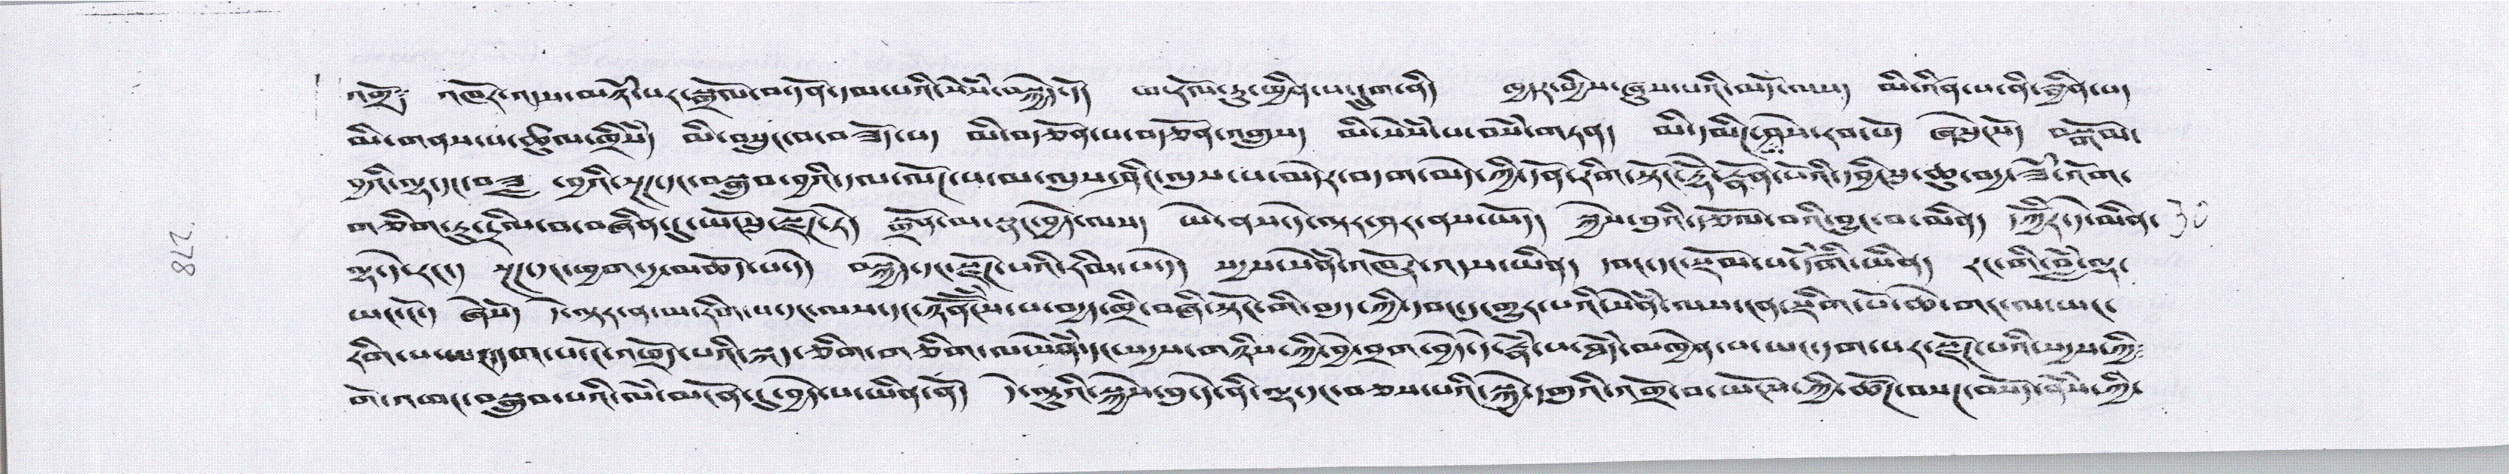འགྲོ། འཁོར་འདས་མཉམ་པར་སྒྲོལ་བ་དོན་དམ་པའི་སེམས་བསྐྱེད་དོ། ཕ་རོལ་ཏུ་ཕྱིན་པ་དྲུག་ནི། ཁྱད་པར་གྱིས་ཞུས་པའི་མདོ་ལས། མི་འཛིན་པ་ནི་སྦྱིན་པ། 
མི་གནས་པ་ཚུལ་ཁྲིམས། མི་བསྲུང་བ་བཟོད་པ། མི་བརྩོན་པ་བརྩོན་འགྲུས། མི་སེམས་པ་བསམ་གཏན། མི་དམིགས་པ་ཤེས་རབ་བོ། ཞེས་གསུངས་སོ། བསྒོམ་
བྱའི་ལྷ་དང་བཟླ་བྱའི་སྔགས་དང་བསྒྲུབ་བྱའི་དལ་ལོགས་པ་མ་ལུས་ཤིང་ལུས་པ་མེད་པར་བདག་མེད་ཀྱི་དོན་རིག་སྟོང་རྡོ་རྗེ་རྣོན་པོའི་དབྱིངས་སུ་ཆུ་བརྒྱ་ཟམ་འོག་
གཅིག་ཏུ་དྲིལ་བ་བཞིན་དུ་ཡོངས་སུ་རྫོགས་ཏེ། སྒྲོན་མ་སྣང་བྱེད་ལས། ཡེ་ནས་དེ་ལྟར་ཤར་ནས་ཡོད། སྐྱེས་བུའི་རྩོལ་བའི་བྱུང་བ་མིན། དཀྱིལ་འཁོར་དེ་མིན་
ལྷ་དེ་རང། སྔགས་དང་ཕྱག་རྒྱ་མཆོད་པ་དེ། བསྐྱེད་དང་རྫོགས་པའི་རིམ་པ་དེ། སངས་རྒྱས་སེམས་ཅན་འཁོར་འདས་ཡིན། དབང་དང་སྡོམཔ་དམ་ཚིག་ཡིན། རང་གི་བླ་མ་ལྷ་
ཡང་ངོ། ཞེས་སོ། དེ་ལྟར་ན་མ་རིག་པ་དང་ལས་དང་ཉོན་མོངས་པ་བརྒྱད་ཁྲི་བཞི་སྟོང་གི་བདུད་ཀྱི་དབང་དུ་གྱུར་པའི་སེམས་ཅན་ལས་ངན་སྡིག་པོ་ཆེ་གང་ལ་ཡང་
རིག་པ་ཡང་དག་པ་ངོ་འཕྲོད་པའི་སྐད་ཅིག་གཅིག་ལ་སེམས་ཅན་དང་སངས་རྒྱས་གཉིས་ཀྱི་བྱེ་བྲག་བྱེད་དེ་རྣམ་པ་ཐམས་ཅད་མཁྱེན་པ་ཡང་དག་པར་རྫོགས་པའི་སངས་རྒྱས་ཀྱི་
གོ་འཕང་བསྒྲུབ་པའི་ལམ་མདོན་དུ་བྱེད་པ་ཡིན་ནོ། དེ་ལྟ་བུའི་སྐྱེས་བུ་དེ་ནི་ལྷ་དང་བཅས་པའི་སྐྱེ་དགུའི་འགྲོ་བ་ཡོངས་ཀྱི་ཚོགས་བསགས་བསོད་ནམས་ཀྱི་